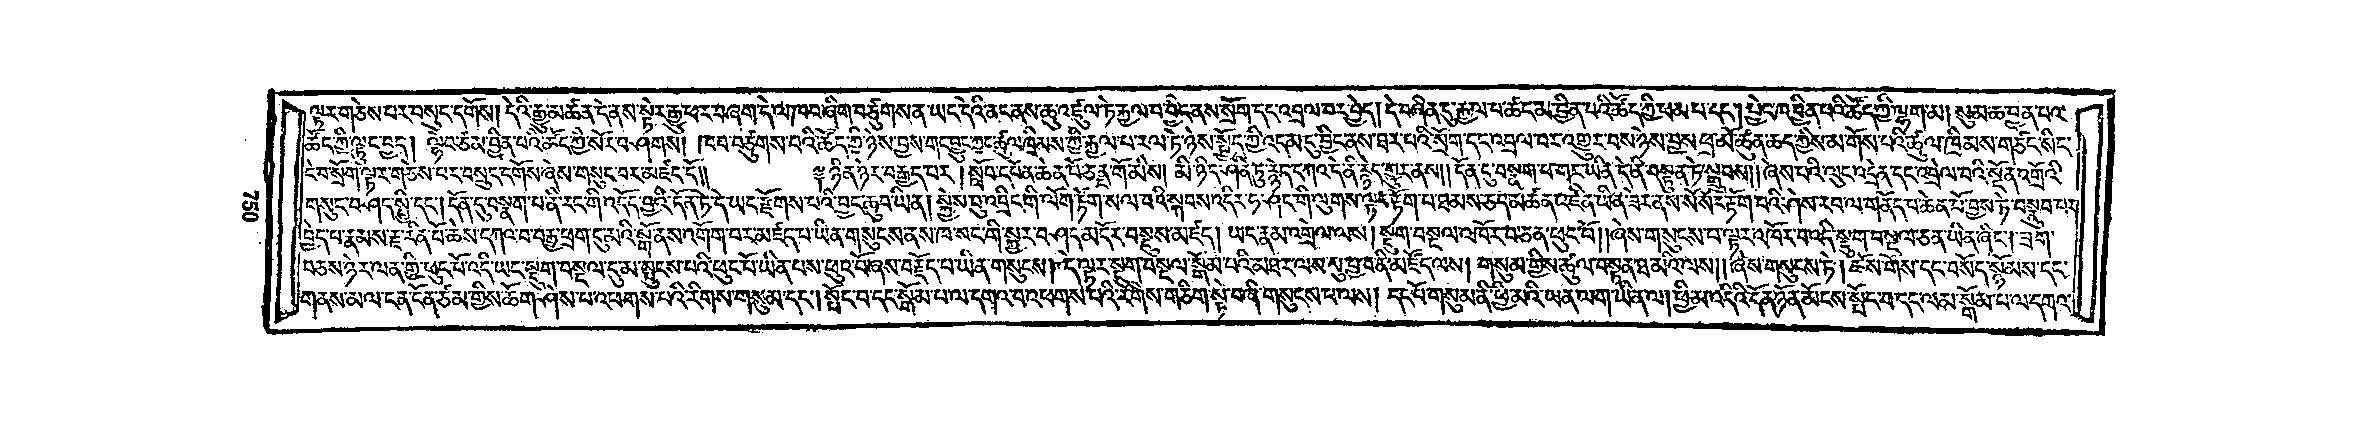ལྟར་གཅེས་པར་བསུང་དགོས། དེའི་རྒྱུ་མཚན་དེ་ནས་སྟེར་རྒྱུ་ཕར་བཞག་དེ་ལ་ཁབ་ཞིག་བཙུགས་ན་ཡང་དེའི་ནང་ནས་ཆུ་འཛུལ་ཏེ་རྐྱལ་བ་བྱིད་ནས་སྲོག་དང་འབྲལ་བར་བྱེད། དེ་བཞིན་དུ་རྐྱལ་པ་ཚང་མ་བྱིན་པའི་ཚོད་ཀྱི་ཕམ་པ་དང་། ཕྱེད་ཁ་བྱིན་པའི་ཚོད་ཀྱི་ལྷག་མ། སུམ་ཆ་བྱན་པའི་
ཚོད་ཀྱི་ལྟུང་བྱད། ལྷེབ་ཙམ་བྱིན་པའི་ཚོད་ཀྱི་སོར་བཤགས། ཁབ་བཙུགས་པའི་ཚོད་ཀྱི་ཉེས་བྱས་གང་བྱུང་ཀྱང་ཚུལ་ཁྲིམས་ཀྱི་རྐྱལ་པ་རལ་ཏེ་ཉེས་སྤྱོད་ཀྱི་འདམ་དུ་བྱིང་ནས་ཐར་པའི་སྲོག་དང་འབྲལ་བར་འགྱུར་བས་ཉེས་བྱས་ཕྲ་མོ་ཚུན་ཆད་ཀྱིས་མ་གོས་པའི་ཚུལ་ཁྲིམས་གཙང་སིང་
ངེ་བ་སྲོག་ལྟར་གཅེས་པར་བསྲུང་དགོས་ཞེས་གསུང་བར་མཛད་དོ། །ཉིན་ཉེར་བརྒྱད་པར། སློབ་དཔོན་ཆེན་པོ་ཙནྡ་གོ་མིས། མི་ཉིད་ཤིན་ཏུ་རྙེད་དཀའ་དེ་ནི་རྙེད་གྱུར་ནས། །དོན་དུ་བསྣག་པ་གང་ཡིན་དེ་ནི་བསྟུན་ཏེ་སྒྲུབས། ཞེས་པའི་ལུང་འདྲེན་དང་འབྲེལ་བའི་སྔོན་འགྲོའི་
གསུང་བཤད་སྤྱི་དང་། དོན་དུ་བསྣག་པ་ནི་རང་གི་འདོད་བྱའི་དོན་ཏེ་དེ་ཡང་རྫོགས་པའི་བྱང་ཆུབ་ཡིན། སྐྱེས་བུ་འབྲིང་གི་ལོག་རྟོག་སལ་བའི་སྐབས་འདིར་ཧ་ཤང་གི་ལུགས་ལྟར་རྟོག་པ་ཐམས་ཅད་མཚན་འཛིན་ཡིན་ཟེར་ནས་སོ་སོར་རྟོག་པའི་ཤེས་རབ་ལ་གནོད་པ་ཆེན་པོ་བྱས་ཏེ་བསྣུབ་པར་
བྱེད་པ་རྣམས་རྗེ་རིན་པོ་ཆེས་དཀའ་བ་བརྒྱ་ཕྲག་དུ་མའི་སྒོ་ནས་འགོག་པར་མཛད་པ་ཡིན་གསུངས་ནས་ཁ་སང་གི་སྐྱར་བཤད་མདོར་བསྡུས་མཛད། ཡང་རྣམ་འགྲེལ་ལས། སྡུག་བསྔལ་འཁོར་བ་ཅན་ཕུང་པོ། །ཞེས་གསུངས་པ་ལྟར་འཁོར་བ་འདི་སྡུག་བསྔལ་ཅན་ཡིན་ཞིང་། ཟག་
བཅས་ཉེར་ལན་གྱི་ཕུང་པོ་འདི་ཡང་སྡུག་བསྔལ་དུ་མ་སྤུངས་པའི་ཕུང་པོ་ཡིན་པས་ཕུང་པོ་ཞེས་བརྗོད་པ་ཡིན་གསུངས། དེ་ལྟར་སྡུག་བསྔལ་སྒོམ་པའི་མཐར་ལས་སུ་བྱ་བ་ནི་མཛོད་ལས། གསུམ་ཨུགྱིས་ཚུལ་བསྟན་ཐ་མའི་ལས། ཞེས་གསུངས་ཏེ། ཆོས་གོས་དང་བསོད་སྙོམས་དང་
གནས་ལམ་ངན་དོན་ཙམ་གྱིས་ཆོག་ཤེས་པ་འཕགས་པའི་རིགས་གསུམ་དང་། སྤོང་བ་དང་སྒོམ་པ་ལ་དགའ་བ་འཕགས་པའི་རིགས་གཅིག་སྟེ་བཞི་གསུངས་པ་ལས། དང་པོ་གསུམ་ནི་ཕྱི་མའི་ཡན་ལག་ཡིན་ལ། ཕྱི་མ་འདིའི་དོན་ཉོན་མོངས་སྤོང་བ་དང་ལམ་སྒོམ་པ་ལ་དགའ་